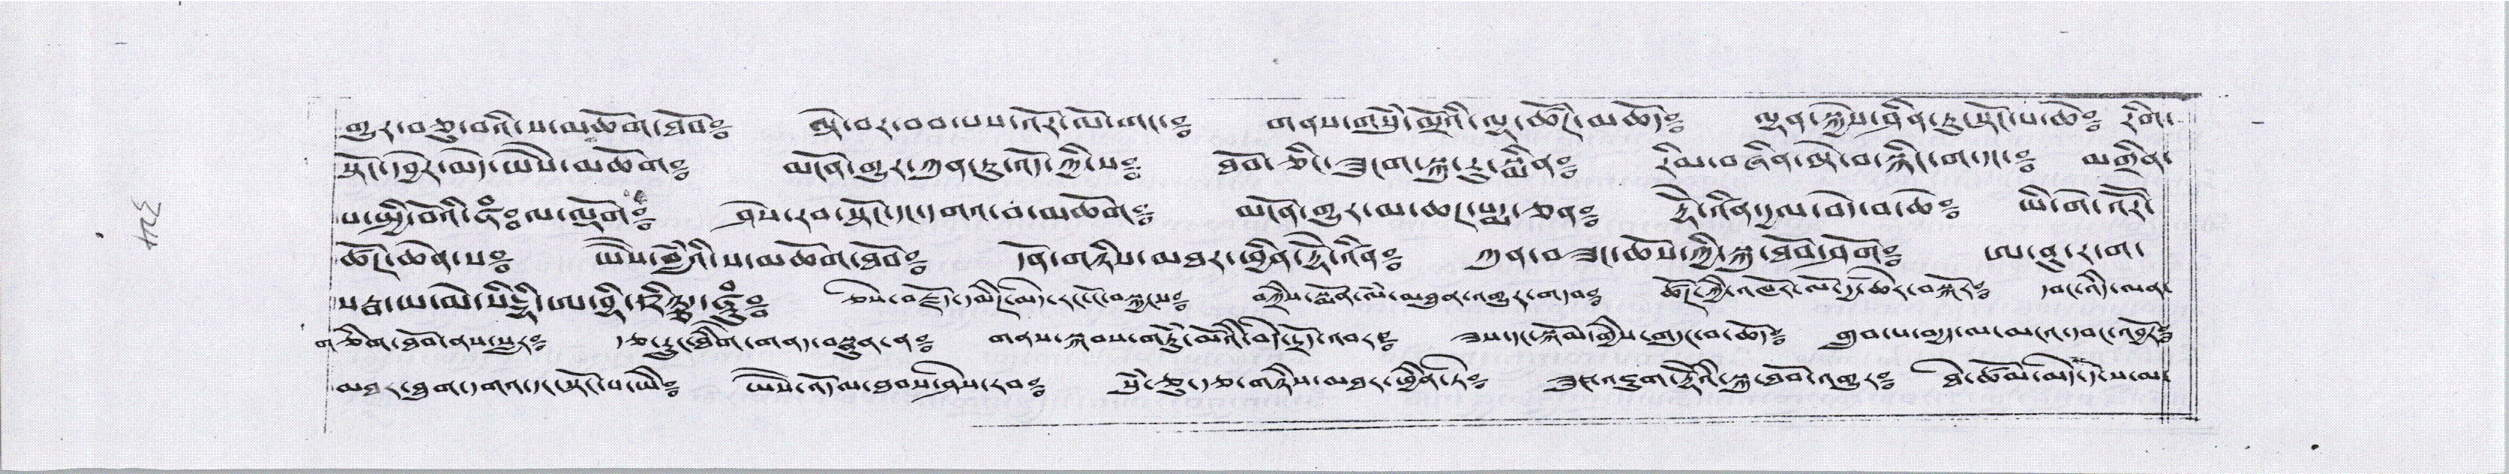གྱུར་བཅུ་བའི་ས་མཆོག་ཐོབ༔ ལྟེ་བར་བབ་པས་འཁོར་ལོ་གང༔ གནས་གསུམ་མཁའ་འགྲོའི་ལྷ་ཚོགས་མཆོད༔ ལྷན་སྐྱེས་ཤིན་ཏུ་སྟོང་པ་ཆེ༔ རིག་
སྟོང་དབྱེར་མེད་ཡེ་ཤེས་མཆོག༔ མངོན་གྱུར་ཀུན་ཏུ་འོད་ཀྱི་ས༔ ཐོབ་ཅིང་ཟུག་འཇུག་སྐུ་རུ་སྨིན༔ རིམ་བཞིན་ལྟེ་བ་སྙིང་ག་དང༔ མགྲིན་
པ་སྤྱི་བོའི་ཧཾཿལ་ལྡོག༔ ཤེས་རབ་སྟོང་དང་དགའ་བ་མཆོག༔ མངོན་གྱུར་མ་ཆགས་པདྨ་ཅན༔ རྡོ་རྗེ་འཛིན་རྒྱལ་བདེ་བ་ཆེ༔ ཡི་གེ་འཁོར་ལོ་
ཚོགས་ཆེན་ས༔ ཡེ་ཤེས་བླ་མའི་ས་མཆོག་ཐོབ༔ དོན་གཉིས་མཐར་ཕྱིན་རྡོ་རྗེ་འཛིན༔ ཀུན་བཟང་ཆོས་ཀྱི་སྐུ་ཐོབ་ཤོག༔ ཨ་ནུ་ར་ག་
སརྦ་ཡ་མེ་སི་དྷི་ཨ་བྷི་ཋིཉྩ་ཧཱུཾ༔ ཅེས་བརྗོད་དམིགས་མེད་རང་ངོ་བསྐྱངས༔ བཀྲ་ཤིས་སྨོན་ལམ་མཐུན་འགྱུར་གདབ༔ ཚོགས་ཀྱི་འཁོར་ལོ་རྒྱ་ཆེར་བསྐོར༔ དབང་འདི་ལན་
གཅིག་ཐོབ་ནས་སླར༔ རྩ་རླུང་ཐིག་ལེ་གནད་བསྣུན་ན༔ གནས་སྐབས་གཏུམ་མོའི་བདེ་དྲོད་འབར༔ ཟས་དང་སྐོམ་གྱིས་གདུང་བ་ཆོད༔ གྲུབ་པ་བརྒྱད་ལ་མངའ་དབང་འབྱོར༔ 
མཐར་ཐུག་དགའ་དང་སྟོང་པ་ཡི༔ ཡེ་ཤེས་འོད་གསལ་ཐབས་ཤེས་རབ༔ སུ་ཅུ་རྩ་གཉིས་མཐར་ཕྱིན་ཏེ༔ ཟུང་འཇུག་རྡོ་རྗེའི་སྐུ་ཐོབ་འགྱུར༔ ཐེ་ཚོམ་མེད་དེ་ས་མ་